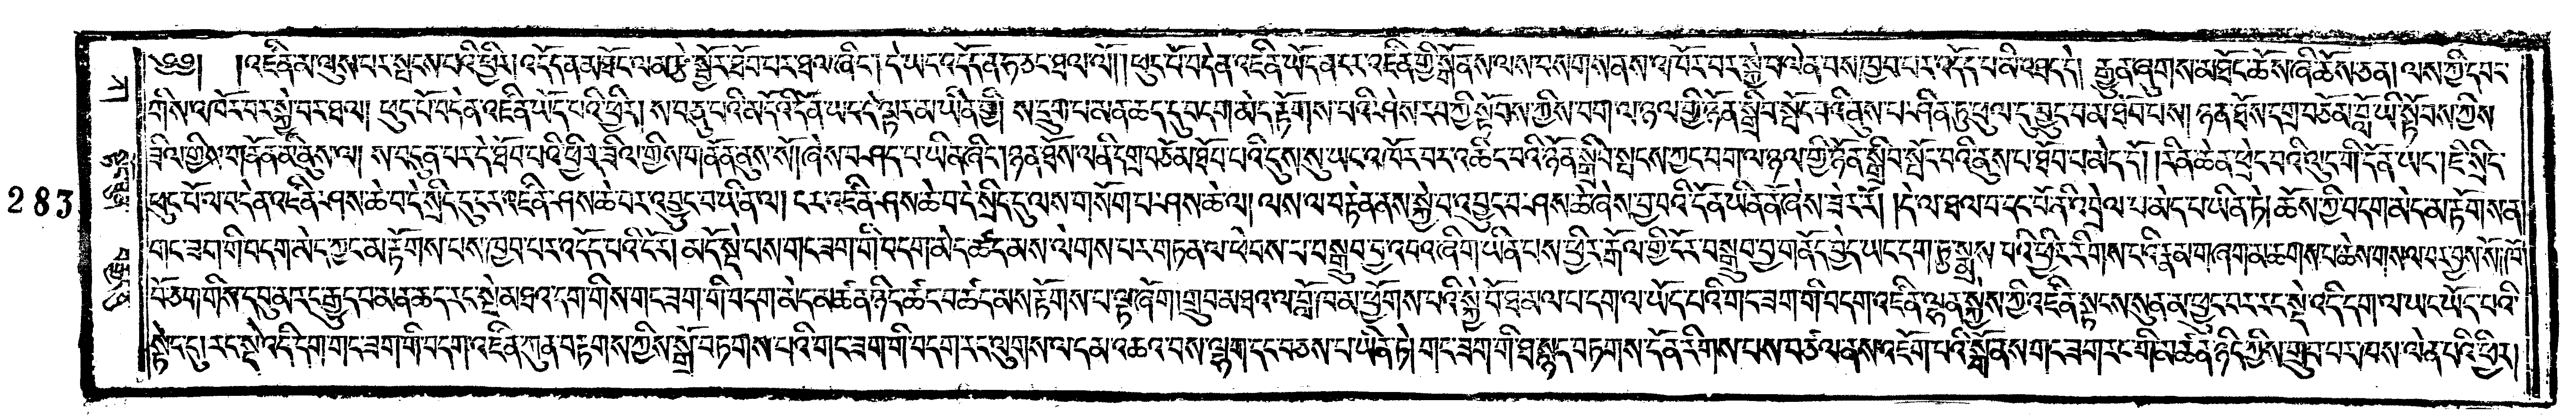༄༅། །འཛིན་མ་ལུས་པར་སྤངས་པའི་ཕྱིར། འདོད་ན་མཐོང་ལམ་རྩེ་སྦྱོར་ཐོབ་པར་ཐལ་ཞིང་། དེ་ཡང་འདོད་ན་ཧ་ཅང་ཐལ་ལོ། །ཕུང་པོ་བདེན་འཛིན་ཡོད་ན་ངར་འཛིན་གྱི་སྒོ་ནས་ལས་བསགས་ནས་འཁོར་བར་སྐྱེ་བ་ལེན་པས་ཁྱབ་པར་འདོད་པ་མི་འཐད་དེ། རྒྱུན་ཞུགས་མཐོང་ཆོས་ཞི་ཆོས་ཅན། ལས་ཀྱི་དཔང་
གིས་འཁོར་བར་སྐྱེ་བར་ཐལ། ཕུང་པོ་བདེན་འཛིན་ཡོད་པའི་ཕྱིར། ས་བཅུ་པའི་མདོའི་དོན་ཡང་དེ་ལྟར་མ་ཡིན་གྱི། ས་དྲུག་པ་མན་ཆད་དུ་བདག་མེད་རྟོགས་པའི་ཤེས་རབ་ཀྱི་སྟོབས་ཀྱིས་བག་ལ་ཉལ་གྱི་ཉོན་སྒྲིབ་སྤོང་བའི་ནུས་པ་ཤིན་ཏུ་ཕུལ་དུ་བྱུང་བ་མ་ཐོབ་པས། ཉན་ཐོས་དགྲ་བཅོམ་བློ་ཡི་སྟོབས་ཀྱིས་
ཟིལ་གྱིས་གནོན་མི་ནུས་ལ། ས་བདུན་པར་དེ་ཐོབ་པའི་ཕྱིར་ཟིལ་གྱིས་གནོན་ནུས་སོ། ཞེས་བཤད་པ་ཡིན་ཞིང་། ཉན་ཐོས་ལ་ནི་དགྲ་བཅོམ་ཐོབ་པའི་དུས་སུ་ཡང་འཁོར་བར་འཆིང་བའི་ཉོན་སྒྲིབ་སྤངས་ཀྱང་བག་ལ་ཉལ་གྱི་ཉོན་སྒྲིབ་སྤོང་བའི་ནུས་པ་ཐོབ་པ་མེད་དོ། །རིན་ཆེན་ཕྲེང་བའི་ལུང་གི་དོན་ཡང་། ཇི་སྲིད་
ཕུང་པོ་ལ་བདེན་འཛིན་ཤས་ཆེ་བ་དེ་སྲིད་དུ་ངར་འཛིན་ཤས་ཆེ་བར་འབྱུང་བ་ཡིན་ལ། ངར་འཛིན་ཤས་ཆེ་བ་དེ་སྲིད་དུ་ལས་གསོག་པ་ཤས་ཆེ་ལ། ལས་ལ་བརྟེན་ནས་སྐྱེ་བ་འབྱུང་བ་ཤས་ཆེ་ཞེས་བྱ་བའི་དོན་ཡིན་ནོ་ཞེས་ཟེར་རོ། །དེ་ལ་ཐལ་བ་དང་པོ་ནི་འབྲེལ་པ་མེད་པ་ཡིན་ཏེ། ཆོས་ཀྱི་བདག་མེད་མ་རྟོགས་ན་
གང་ཟག་གི་བདག་མེད་ཀྱང་མ་རྟོགས་པས་ཁྱབ་པར་འདོད་པའི་དོར། མདོ་སྡེ་པས་གང་ཟག་གི་བདག་མེད་ཚད་མས་ལེགས་པར་གཏན་ལ་ཕེབས་པ་བསྒྲུབ་བྱ་འབའ་ཞིག་ཡིན་པས་ཕྱིར་རྒོལ་གྱི་ངོར་བསྒྲུབ་བྱ་གནོད་བྱེད་ཡང་དག་ཏུ་སྨྲས་བའི་ཕྱིར་རིགས་པའི་རྣམ་གཞག་མ་ཆགས་པ་ཆེས་གསལ་བར་བྱས་སོ། ཁོ་
བོ་ཅག་གིས་དབུ་མ་རང་རྒྱུད་པ་མན་ཆད་རང་སྡེ་མཐའ་དག་གིས་གང་ཟག་གི་བདག་མེད་མཚན་ཉིད་ཚང་བ་ཚད་མས་རྟོགས་པ་ལྟ་ཞོག །གྲུབ་མཐའ་ལ་བློ་ཁ་མ་ཕྱོགས་པའི་སྐྱེ་བོ་ཐ་མལ་པ་དག་ལ་ཡོད་པའི་གང་ཟག་གི་བདག་འཛིན་ལྷན་སྐྱེས་ཀྱི་འཛིན་སྟངས་སུན་མ་ཕྱུང་བར་རང་སྡེ་འདི་དག་ལ་ཡང་ཡོད་པའི་
སྟེང་དུ། རང་སྡེ་འདི་དག་གང་ཟག་གི་བདག་འཛིན་ཀུན་བརྟགས་ཀྱིས་སྒྲོ་བཏགས་པའི་གང་ཟག་གི་བདག་རང་ལུགས་ལ་དམ་འཆའ་བས་ལྷག་དང་བཅས་པ་ཡིན་ཏེ། གང་ཟག་གི་ཐ་སྙད་བཏགས་དོན་རིགས་པས་བཙལ་ནས་འཇོག་པའི་སྒོ་ནས་གང་ཟག་རང་གི་མཚན་ཉིད་ཀྱིས་གྲུབ་པར་ཁས་ལེན་པའི་ཕྱིར།